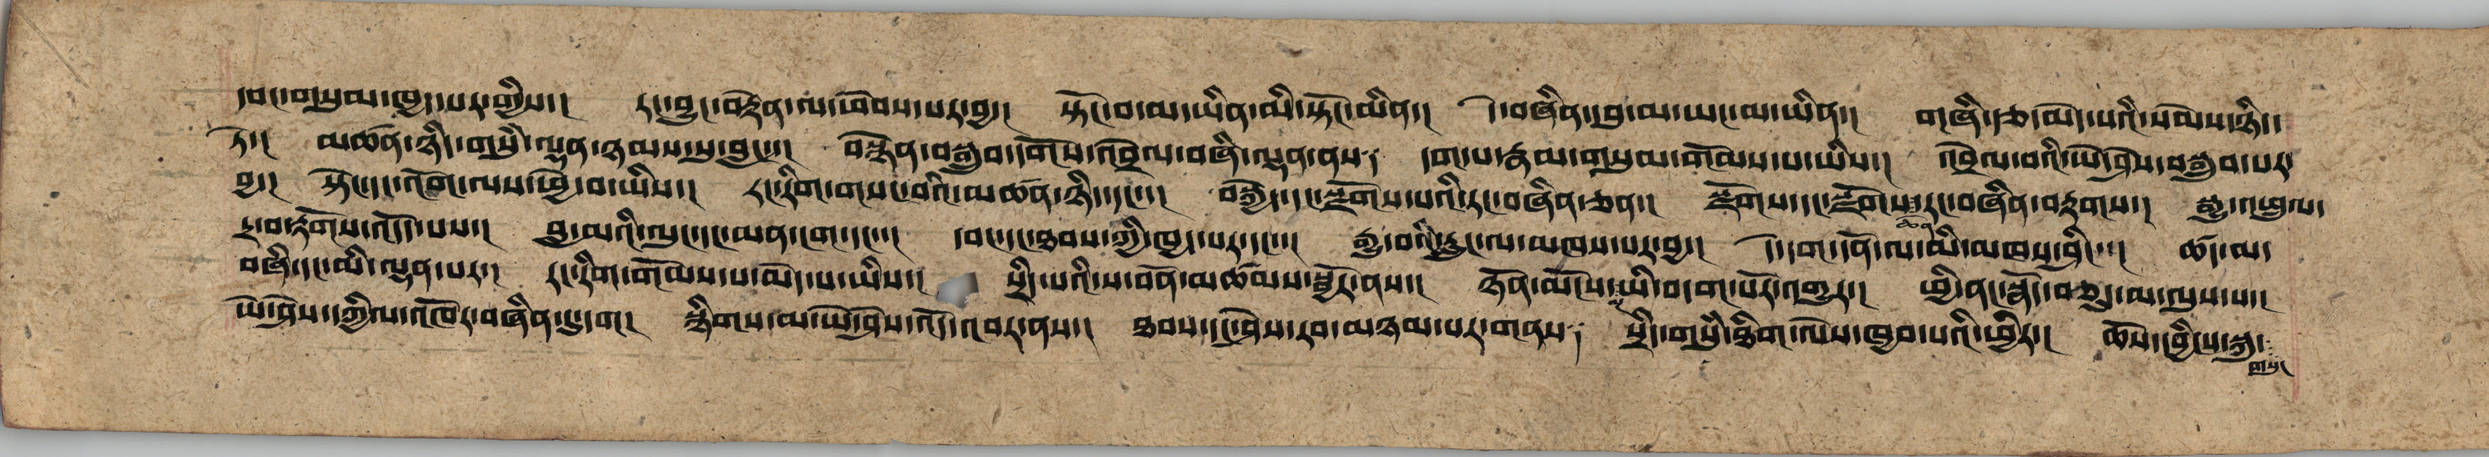དབང་གསུམ་ཁྱད་པར་གྱིས་། རང་བྱུང་བརྟེན་ལ་ཕེབས་པར་བྱ་། སྟོང་བ་མ་ཡིན་མི་སྟོང་མིན་། དེ་བཞིན་དབུ་མ་ཡང་མ་ཡིན་། གཞི་རྩ་མེད་པའི་སེམས་ཉིད་
ཏེ་། མཚན་ཉིད་གསུཾ་ལྡན་ཉམས་སུ་བླང་་། བསྙེན་བསྒྲུབ་དགོས་འབྲེལ་བཞི་ལྡན་ནས་། དག་པ་རྣམ་གསུམ་གོམས་པ་ཡིས་། འབྲེལ་བའི་ཡེ་ཤེས་བསྒྲུབ་པར་
བྱ་། སྟེང་དང་འོག་ལས་ཕྱེ་བ་ཡིས་། རང་རིག་གསང་བའི་མཚན་ཉིད་དང་་། བསྐྱེད་དང་སྫོགས་པའི་རང་བཞིན་ཅན་། སྫོགས་དང་སྫོགས་ཆེན་རང་བཞིན་བརྟགས་། སྒྱུ་འཕྲུལ་
དྲ་བ་རྟོགས་འདོད་པས་། བླ་མའི་ལུང་དང་མན་ངག་དང་་། དབང་དང་ཐབས་ཀྱི་ཁྱད་པར་དང་་། རྒྱུ་བའི་རླུང་ལ་མཁས་པར་བྱ་། དེ་དག་དོན་ལ་མི་མཁས་ཤིང་་། ཚད་མ་
བཞི་དང་མི་ལྡན་པར་། རང་རིག་གོམས་པ་མེད་པ་ཡིས་། སྲིད་པའི་ས་བོན་མཚམས་སྦྱོར་ནས་། ཉོན་མོངས་ལྔ་ཡི་བདག་པོར་འགྱུར་། ཕྱི་ནང་སྣོད་བཅུད་མ་ལུས་པ་།
ཡེ་ཤེས་དཀྱིལ་འཁོར་བཞིན་དུ་དག། སྙིགས་མ་ཡེ་ཤེས་འོད་འབར་ནས་། ཐབས་དང་ཤེས་རབ་མཉམ་པར་གནས༑ སྲིད་གསུཾ་ཐིག་ལེས་ཁྱབ་པའི་ཕྱིར་། ཆོས་དབྱིངས་སྐུ་